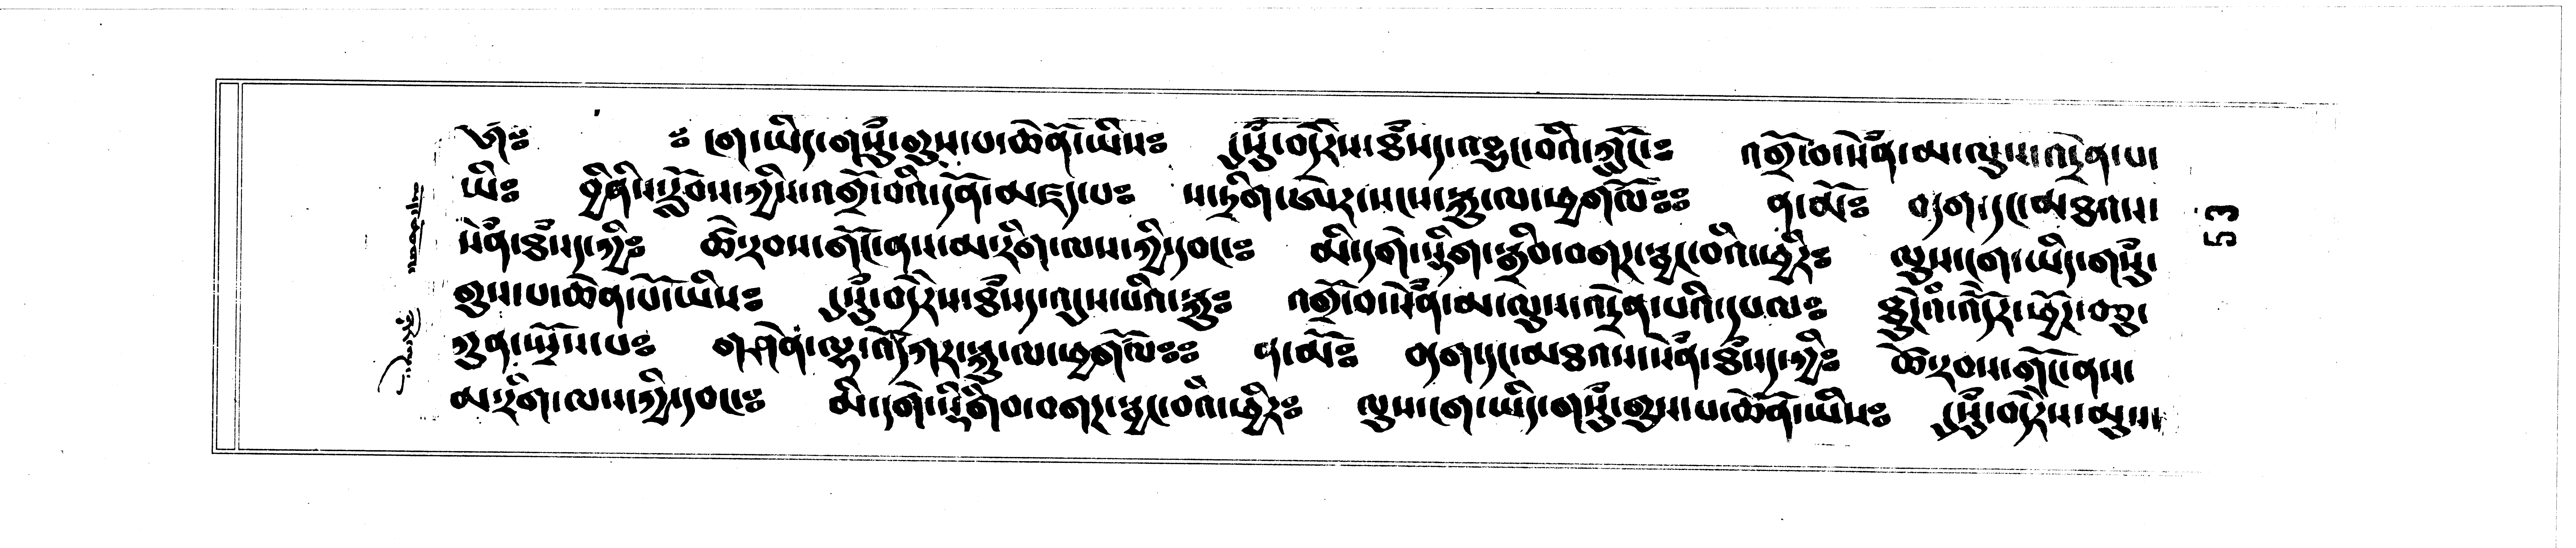ངག་ཡིད་གསུམ་གུས་པ་ཆེན་པོ་ཡིསཿ དུས་གསུམ་བདེར་གཤེགས་ཐམས་ཅད་འབྱུང་བའི་ཀློངཿ འགྲོ་བ་སེམས་ཅན་མ་ལུས་འདྲེན་པ་
ཡིཿ བྱིན་གྱིས་རློབས་ཀྱིས་འགྲོ་བའི་དོན་མཛད་པཿ ས་ཏྲིག་ཨེར་སངས་སྐུ་ལ་ཕྱག་འཚལ་ལོཿ ན་མོ་བདག་དང་མཐའ་ཡས་
སེམས་ཅན་ཐམས་ཅད་ཀྱིསཿ ཚེ་རབས་གོང་ནས་མ་རིག་ལས་ཀྱིས་དབངཿ མི་དགེ་སྡིག་སྒྲིབ་བག་ཆགས་སྦྱང་བའི་ཕྱིརཿ ལུས་ངག་ཡིད་གསུམ་
གུས་པ་ཆེན་པོ་ཡིསཿ དུས་གསུམ་བདེར་གཤེགས་ཐམས་ཅད་འབྱུང་བའི་ཀློངཿ འགྲོ་བ་སེམས་ཅན་མ་ལུས་འདྲེན་པའི་དཔལཿ ཐུགས་རྗེའི་འོད་ཟེར་ཕྱོགས་བཅུ་
ཀུན་སྤྲོས་པཿ གཤེན་ལྷ་འོད་དཀར་སྐུ་ལ་ཕྱག་འཚལ་ལོཿ ན་མོ་བདག་དང་མཐའ་ཡས་སེམས་ཅན་ཐམས་ཅད་ཀྱིསཿ ཚེ་རབས་གོང་ནས་
མ་རིག་ལས་ཀྱིས་དབངཿ མི་དགེ་སྡིག་སྒྲིབ་བག་ཆགས་སྦྱང་བའི་ཕྱིརཿ ལུས་ངག་ཡིད་གསུམ་གུས་པ་ཆེན་པོ་ཡིསཿ དུས་གསུམ་བདེར་གཤེགས་མ་ལུས་